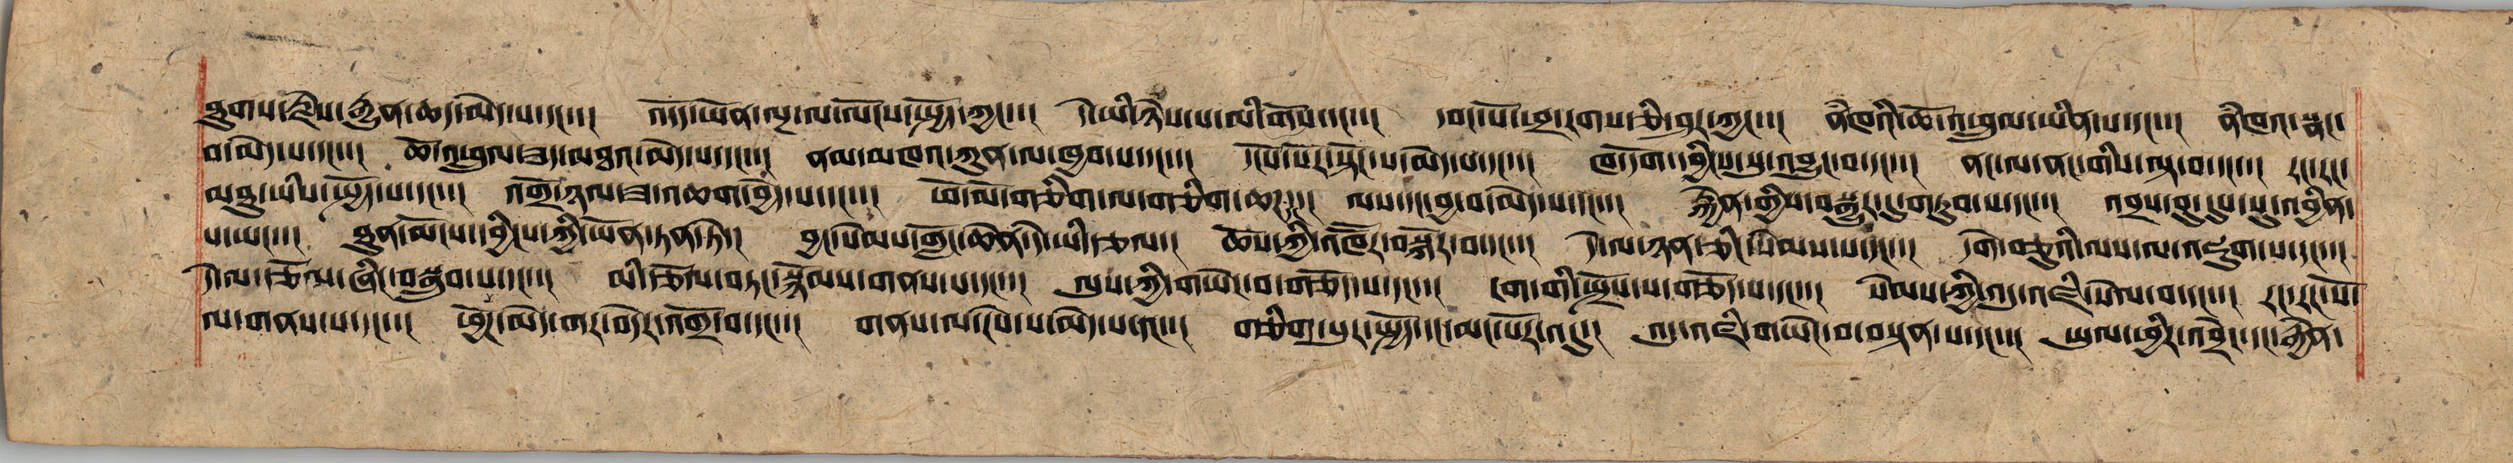ཐུགས་རྗེས་རྒྱུན་ཆད་མེད་པ་དང་་། འདོད་ཡོན་ལྔ་ལ་ལོངས་སྤྱོད་ཀྱང་་། དེ་ཡི་ཉེས་པ་མི་གོས་དང་་། དབང་པོ་ཕྲ་རགས་ཅི་ཤར་ཀྱང་་། ནཾཁའི་ཆོ་འཕྲུལ་་ཡིན་པ་དང་་། ནཾཁའ་སྣང་
བ་མེད་པ་དང་་། ཆོ་འཕྲུལ་ཟད་མཐའ་མེད་པ་དང་་། ནམ་མཁའ་ཀུན་ལ་ཁྱབ་པ་དང་་། དངོས་པོར་སྟོང་པ་མེད་པ་དང་་། ཁ་དོག་དབྱིངས་སུ་འབྱུང་བ་དང་་། ནང་ལ་ནང་གིས་ལྟ་བ་དང་་། རང་རང་
མཐུ་ཡིས་སྤྱོད་པ་དང་་། འགྲོ་ཉལ་ཟ་འཆག་བྱེད་པ་དང་་། ཕོ་མོ་གཅིག་ལ་གཅིག་ཆཌ་དང་། ལས་དང་བྱ་བ་མེད་པ་དང་་། རྐྱེན་གྱིས་བསྒྱུར་དུ་གཏུབ་པ་དང་་། འབྲས་བུ་དུས་སུ་འབྱིན་
པ་ཡང་་། ཐུན་མོངས་དབྱིངས་ཀྱི་ཡོན་ཏན་ཏེ་། བྱང་སེམས་གློང་ཆེན་དེ་ཡི་རྩལ་། ཆོས་ཀྱི་འཁཽར་བསྐོར་བ་དང་་། དེ་ལ་ཉན་ཅིང་སེམས་པ་དང་་། དགེ་བཅུའི་ལས་ལ་འཇུག་པ་དང་་།
དེ་ལ་རྩོལ་ཞིང་བསྒྲུབ་པ་དང་་། མི་རྩོལ་བཏང་སྙོམས་གནས་པ་དང་་། ལུས་ཀྱི་གཡེང་བ་གཅོད་པ་དང་་། ངག་གི་སྤྲོས་པ་གཅོད་པ་དང་་། སེམས་ཀྱི་འདུ་འཛི་སེལ་བ་དང་་། རང་རང་སོ་
ལ་གནས་པ་དང་་། ཕྱོཌ་མཻད་གར་བདེར་འགྲོ་བ་དང་་། གནས་ལ་ངེས་པ་མེད་པ་དང་་། གཅིག་པུར་སྤྱོད་དང་མང་པོར་འདུ་། འདུ་འཛི་གཡེང་བ་བསྟན་པ་དང་་། ཡུལ་ཕྱིར་འབྲེང་དང་རྒྱེན་